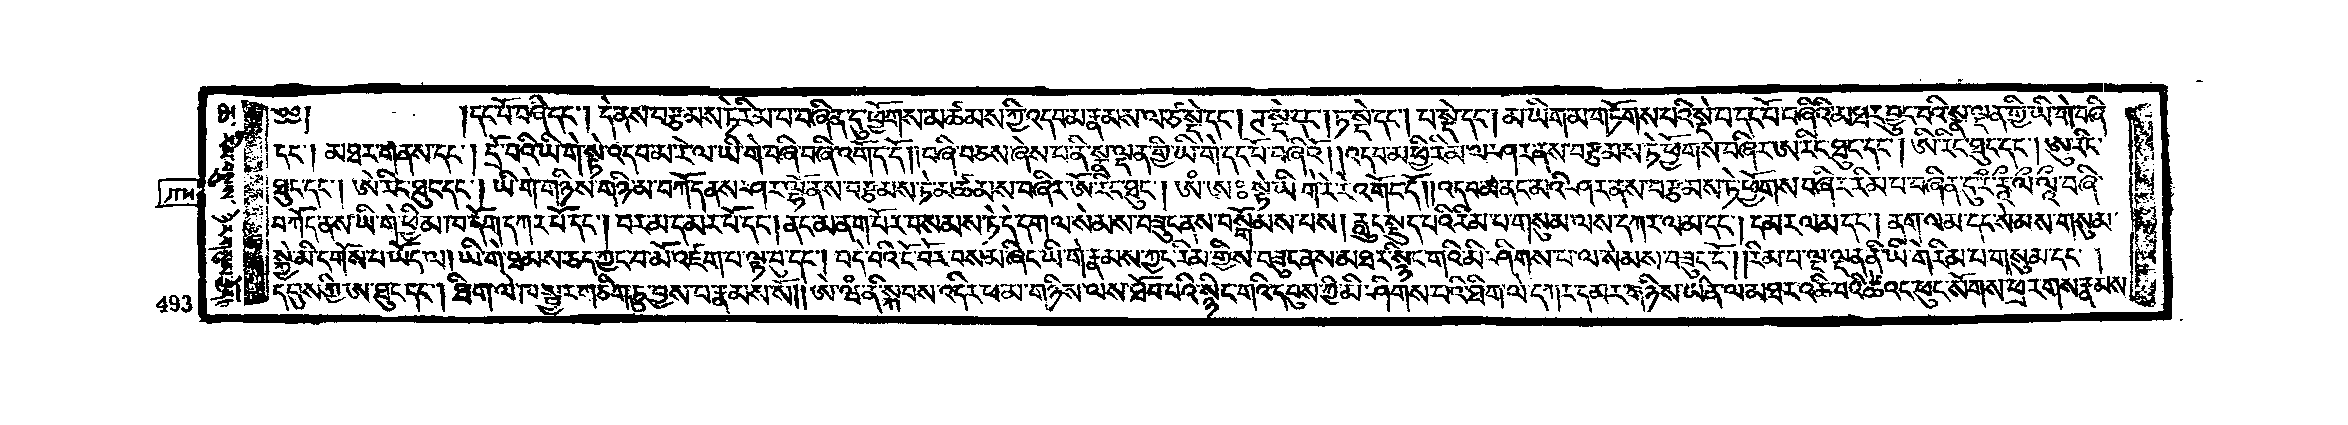༄༅། །དང་པོ་བཞི་དང་། དེ་ནས་བརྩམས་ཏེ་རིམ་པ་བཞིན་དུ་ཕྱོགས་མཚམས་ཀྱི་འདབ་མ་རྣམས་ལ་ཙ་སྡེ་དང་། ཊ་སྡེ་དང་། ཏ་སྡེ་དང་། པ་སྡེ་དང་། མ་ཡིག་མ་གཏོགས་པའི་སྡེ་པ་དང་པོ་བཞིའི་མཐར་བྱུང་བའི་སྣ་ལྡན་གྱི་ཡི་གེ་བཞི་
དང་། མཐར་གནས་དང་། དྲོ་བའི་ཡི་གེ་སྟེ་འདབ་མ་རེ་ལ་ཡི་གེ་བཞི་བཞི་འགོད་དོ། །བཞི་བཅས་ཞེས་པ་ནི་སྣ་ལྡན་གྱི་ཡི་གེ་དང་པོ་བཞིའོ། །འདབ་མ་ཕྱི་རིམ་ལ་ཤར་ནས་བརྩམས་ཏེ་ཕྱོགས་བཞིར་ཨ་རིང་ཐུང་དང་། ཨི་རིང་ཐུང་དང་། ཨུ་རིང་
ཐུང་དང་། ཨེ་རིང་ཐུང་དང་། ཡི་གེ་གཉིས་གཉིས་བཀོད་ནས་ཤར་ལྷོ་ནས་བརྩམས་ཏེ་མཚམས་བཞིར་ཨོ་རིང་ཐུང་། ཨཾ་ཨཿ སྟེ་ཡི་གེ་རེ་རེ་འདོད་དོ། །འདབ་མ་ནང་མའི་ཤར་ནས་བརྩམས་ཏེ་ཕྱོགས་བཞིར་རི༨མ་པ་བཞིན་དུ་རྀ་རཱྀ་ལྀ་ལཱྀ་བཞི་
བཀོད་ནས་ཡི་ཏེ་ཕྱི་མ་ཁ་དོག་དཀར་པོ་དང་། བར་མ་དམར་པོ་དང་། ནང་མ་ནག་པོར་བསམས་ཏེ་དེ་དག་ལ་སེམས་བཟུང་ནས་བསྒོམས་པས། རླུང་སྡུད་པའི་རིམ་པ་གསུམ་ལས་དཀར་ལམ་དང་། དམར་ལམ་དང་། ནག་ལམ་དང་སེམས་གསུམ་
སྐྱེ་མི་དགོས་པ་ཡོད་ལ། ཡི་གེ་ཐམས་ཅད་ཀྱང་བ་མོ་འཛག་པ་ལྟ་བུ་དང་། བདེ་བའི་ངོ་བོར་བསམ་ཞིང་ཡི་གེ་རྣམས་ཀྱང་རིམ་གྱིས་བཟུང་ནས་མཐར་སྙིང་གའི་མི་ཤིགས་པ་ལ་སེམས་བཟུང་ངོ། །རིམ་པ་ལྔ་ལྡན་ནི་ཡི་གེ་རིམ་པ་གསུམ་དང་།
དབུས་ཀྱི་ཨ་ཐུང་དང་། ཐིག་ལེ་ཁ་སྦྱར་གཅིག་ཏུ་བྱས་པ་རྣམས་སོ། །ཨེ་ཝཾ་ནི་སྐབས་འདིར་ཕ་མ་གཉིས་ལས་ཐོབ་པའི་སྙིང་གའི་དབུས་ཀྱི་མི་ཤིགས་པའི་ཐིག་ལེ་དཀར་དམར་གཉིས་ཡིན་ལ་མཐར་འཆི་བའི་ཚེའང་ཕུང་སོགས་ཕྲ་རགས་རྣམས་